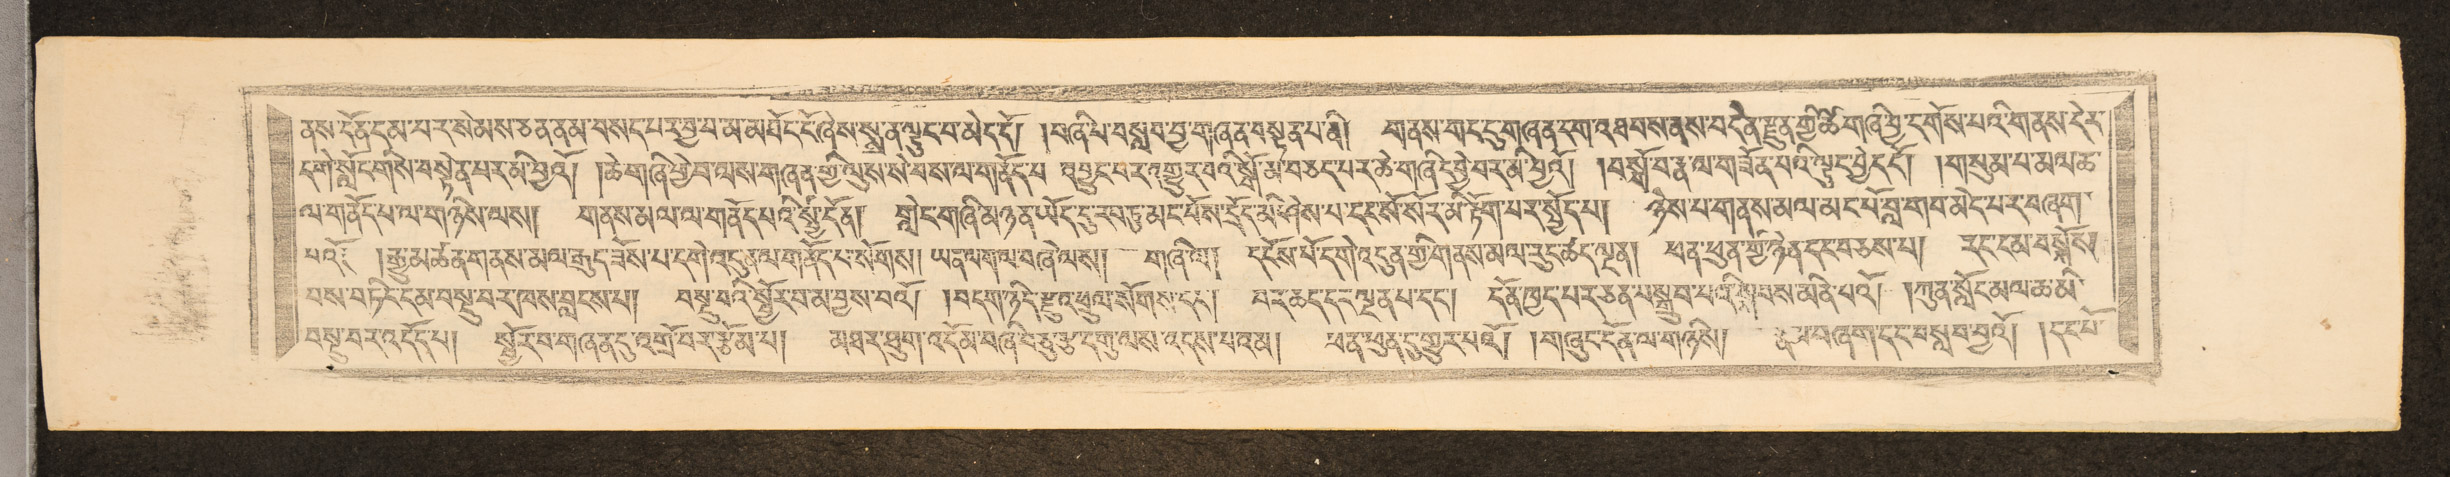ནས་དོན་དམ་པར་སེམས་ཅན་ནམ་བསད་པར་བྱ་བ་མ་མཐོང་ངོ་ཞེས་སྨྲ་ན་ལྟུང་བ་མེད་དོ། །བཞི་པ་བསླབ་བྱ་གཞན་བསྟན་པ་ནི། གནས་གང་དུ་གཞན་དག་འཐབས་ནས་བདེན་རྫུན་གྱི་ཚེ་གཞི་བྱ་དགོས་པའི་གནས་དེར་
དགེ་སློང་གིས་བསྟེན་པར་མི་བྱའོ། །ཆེ་གཞི་ཕྱེ་བ་ལས་གཞན་གྱི་ལུས་སེམས་ལ་གནོད་པ་འབྱུང་པར་འགྱུར་བའི་སྒོ་མ་བཅད་པར་ཆེ་གཞི་དབྱེ་བར་མི་བྱའོ། །བསྒོ་བ་རྣ་ལ་གཟོན་པའི་ལྟུང་བྱེད་དོ། །གསུམ་པ་མལ་ཆ་
ལ་གནོད་པ་ལ་གཉིས་ལས། གནས་མལ་ལ་གནོད་པའི་སྤྱི་དོན། གླེང་གཞི་མཉན་ཡོད་དུ་རུང་ཏུ་མང་པོས་དྲོང་མི་ཤེས་པ་དང་སོ་སོར་མི་རྟོག་པར་སྤྱོད་པ། ཉེས་པ་གནས་མལ་མང་པོ་བླག་མེད་པར་བཞག་
པའོ༑ །རྒྱུ་མཚན་གནས་མལ་ཆུད་ཟོས་པ་དགེ་འདུན་ལ་གནོད་པ་སོགས། ཡན་ལག་ལ་བཞི་ལས། གཞི་ལ། དངོས་པོ་དགེ་འདུན་གྱི་གནས་མལ་རུང་ཚད་ལྡན། ཕན་ཕུན་གྱི་ཉེན་དང་བཅས་པ། རང་ངམ་བསྐོས་
པས་བཏིང་ངམ་བསྡུ་བར་ལས་བླངས་པ། བསྡུ་བའི་སྦྱོར་བ་མ་བྱས་པའོ། །བདག་ཉིད་རྫུ་འཕྲུལ་སོགས་དང་། བར་ཆད་དང་ལྡན་པ་དང་། དོན་ཁྱད་པར་ཅན་བསྒྲུབ་པའི་སྐབས་མིན་པའོ། །ཀུན་སློང་མལ་ཆ་མི་
བསྡུ་བར་འདོད་པ། སྦྱོར་བ་གཞན་དུ་འགྲོ་བར་རྩོམ་པ། མཐར་ཐུག་འདོམ་བཞི་བཅུ་རྩ་དགུ་ལས་འདས་པའམ། ཕན་ཕུན་དུ་གྱུར་པའོ། །གཞུང་དོན་ལ་གཉིས། རྣམ་བཞག་དང་བསླབ་བྱའོ། །དང་པོ་